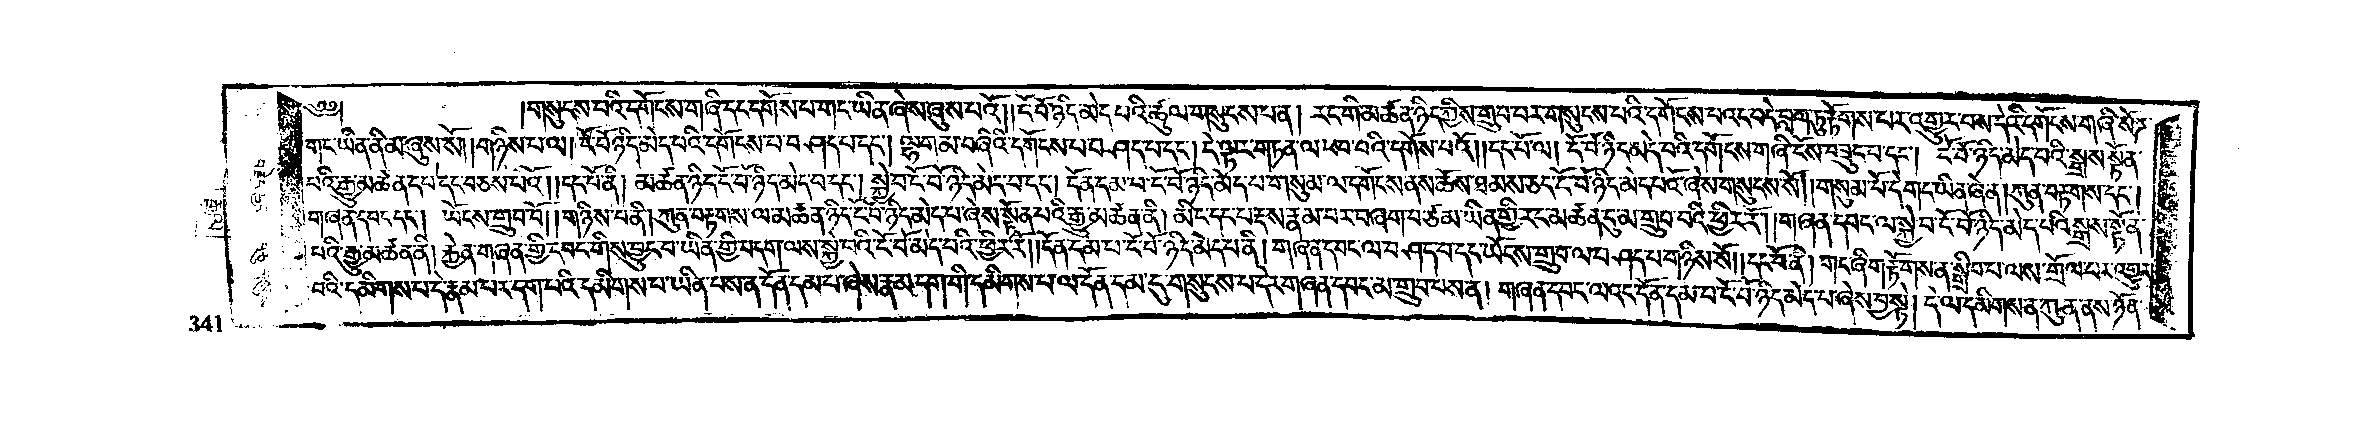༄༅། །གསུངས་པའི་དགོངས་གཞི་དང་དགོས་པ་གང་ཡིན་ཞེས་ཞུས་པའོ། །ངོ་བོ་ཉིད་མེད་པའི་ཚུལ་གསུངས་པ་ན། རང་གི་མཚན་ཉིད་ཀྱིས་གྲུབ་པར་གསུངས་པའི་དགོངས་པའང་བདེ་བླག་ཏུ་རྟོགས་པར་འགྱུར་བས་དེའི་དགོངས་གཞི་སོགས་
གང་ཡིན་ནི་མ་ཞུས་སོ་། །གཉིས་པ་ལ། ངོ་བོ་ཉིད་མེད་པའི་དགོངས་པ་བཤད་པ་དང་། ལྷག་མ་བཞིའི་དགོངས་པ་བཤད་པ་དང་། དེ་ལྟར་གཏན་ལ་ཕབ་པའི་དགོས་པའོ། །དང་པོ་ལ། ངོ་བོ་ཉིད་མེད་པའི་དགོངས་གཞི་ངོས་བཟུང་བ་དང་། ངོ་བོ་ཉིད་མེད་པའི་སྒྲས་སྟོན་
པའི་རྒྱུ་མཚན་དཔེ་དང་བཅས་པའོ། །དང་པོ་ནི། མཚན་ཉིད་ངོ་བོ་ཉིད་མེད་པ་དང་། སྐྱེ་བ་ངོ་བོ་ཉིད་མེད་པ་དང་། དོན་དམ་པ་ངོ་བོ་ཉིད་མེད་པ་གསུམ་ལ་དགོངས་ནས་ཆོས་ཐམས་ཅད་ངོ་བོ་ཉིད་མེད་པའོ་ཞེས་གསུངས་སོ། །གསུམ་པོ་དེ་གང་ཡིན་ཞེ་ན། ཀུན་བརྟགས་དང་།
གཞན་དབང་དང་། ཡོངས་གྲུབ་བོ། །གཉིས་པ་ནི། ཀུན་བརྟག་ལ་མཚན་ཉིད་ངོ་བོ་ཉིད་མེད་པ་ཞེས་སྟོན་པའི་རྒྱུ་མཚན་ནི། མིང་དང་རྡས་རྣམ་པར་བཞག་པ་ཙམ་ཡིན་གྱི་རང་མཚན་དུ་མ་གྲུབ་པའི་ཕྱིར་རོ། །གཞན་དབང་ལ་སྐྱེ་བ་ངོ་བོ་ཉིད་མེད་པའི་སྒྲས་སྟོན་
པའི་རྒྱུ་མཚན་ནི། རྐྱེན་གཞན་གྱི་དབང་གིས་བྱུང་བ་ཡིན་གྱི་བདག་ལས་སྐྱེ་བའི་ངོ་བོ་མེད་པའི་ཕྱིར་རོ། །དོན་དམ་པ་ངོ་བོ་ཉིད་མེད་པ་ནི། གཞན་དབང་ལ་བཤད་པ་དང་ཡོངས་གྲུབ་ལ་བཤད་པ་གཉིས་སོ། །དང་པོ་ནི། གང་ཞིག་རྟོགས་ན་སྒྲིབ་པ་ལས་གྲོལ་བར་འགྱུར་
བའི་དམིགས་པ་དེ་རྣམ་པར་དག་པའི་དམིགས་པ་ཡིན་པས་ན་དོན་དམ་པ་ཞེས་རྣམ་དག་གི་དམིགས་པ་ལ་དོན་དམ་དུ་གསུངས་པ་དེར་གཞན་དབང་མ་གྲུབ་པས་ན། གཞན་དབང་ལའང་དོན་དམ་པ་ངོ་བོ་ཉིད་མེད་པ་ཞེས་བྱ་སྟེ། དེ་ལ་དམིགས་ན་ཀུན་ནས་ཉོན་